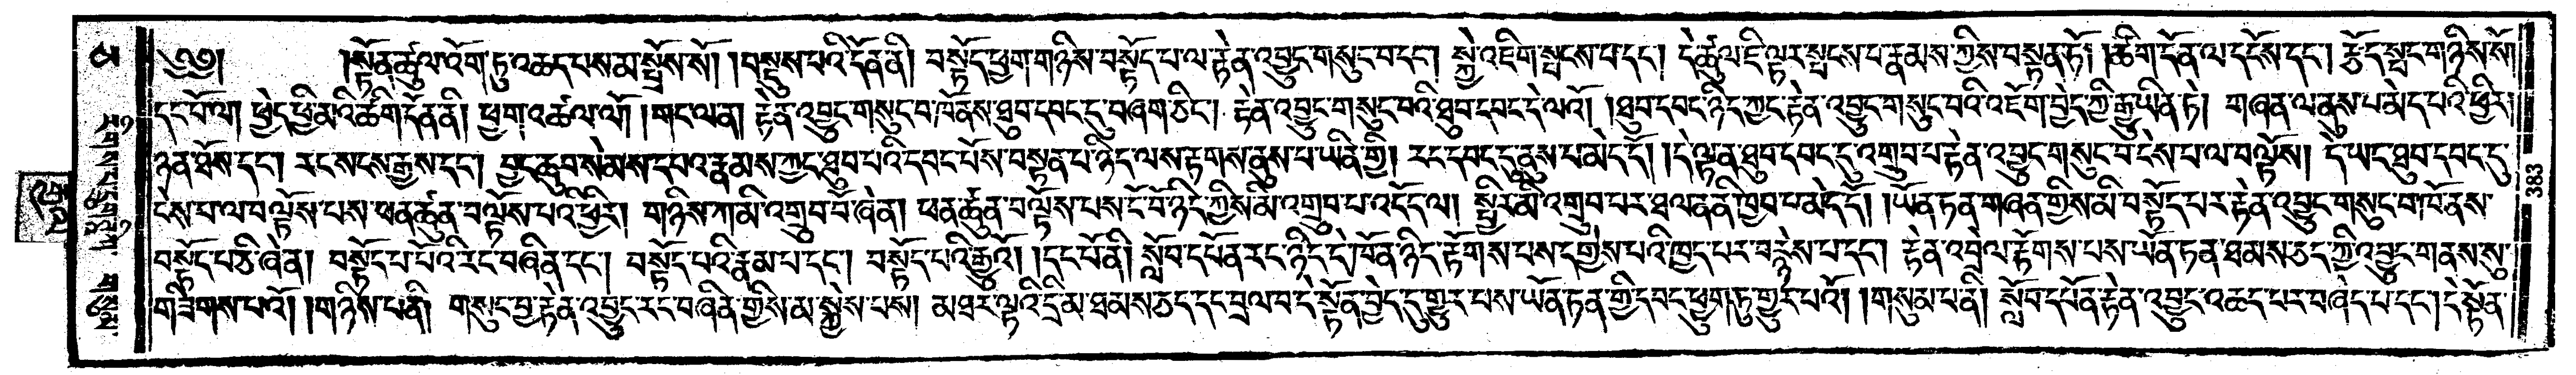༄༅། །སྟོན་ཚུལ་འོག་ཏུ་འཆད་པས་མ་སྤྲོས་སོ། །བསྡུས་པའི་དོན་ནི། བསྟོད་ཕྱག་གཉིས་བསྟོད་པ་ལ་རྟེན་འབྱུང་གསུང་བ་དང་། སྐྱེ་འཇིག་སྤངས་པ་དང་། དེ་ཚུལ་ཇི་ལྟར་སྤངས་པ་རྣམས་ཀྱིས་བསྟན་ཏོ། །ཚིག་དོན་ལ་དངོས་དང་། རྩོད་སྤང་གཉིས་སོ།
དང་པོ་ལ། ཕྱེད་ཕྱི་མའི་ཚིག་དོན་ནི། ཕྱག་འཚལ་ལོ། །གང་ལ་ན། རྟེན་འབྱུང་གསུང་བ་ཁོ་ནས་ཐུབ་དབང་དུ་བཞག་ཅིང་། རྟེན་འབྱུང་གསུང་བའི་ཐུབ་དབང་དེ་ལའོ། །ཐུབ་དབང་ཉིད་ཀྱང་རྟེན་འབྱུང་གསུང་བའི་འཇོག་བྱེད་ཀྱི་རྒྱུ་ཡིན་ཏེ། གཞན་ལ་ནུས་པ་མེད་པའི་ཕྱིར།
ཉན་ཐོས་དང་། རང་སངས་རྒྱས་དང་། བྱང་ཆུབ་སེམས་དཔའ་རྣམས་ཀྱང་ཐུབ་པའི་དབང་པོས་བསྟན་པ་ཉིད་ལས་རྟགས་ནུས་པ་ཡིན་གྱི། རང་དབང་དུ་ནུས་པ་མེད་དོ། །དེ་ལྟ་ན་ཐུབ་དབང་དུ་འགྲུབ་པ་རྟེན་འབྱུང་གསུང་བ་ངེས་པ་ལ་བལྟོས། དེ་ཡང་ཐུབ་དབང་དུ་
ངེས་པ་ལ་བལྟོས་པས་ཕན་ཚུན་བལྟོས་པའི་ཕྱིར། གཉིས་ཀ་མི་འགྲུབ་བོ་ཞེ་ན། ཕན་ཚུན་བལྟོས་པས་ངོ་བོ་ཉིད་ཀྱིས་མི་འགྲུབ་པ་འདོད་ལ། སྤྱིར་མི་འགྲུབ་པར་ཐལ་ན་ནི་ཁྱབ་པ་མེད་དོ། །ཡོན་ཏན་གཞན་གྱིས་མི་བསྟོད་པར་རྟེན་འབྱུང་གསུང་བ་ཁོ་ནས་
བསྟོད་པ་ཅི་ཞེ་ན། བསྟོད་པ་པོའི་རང་བཞིན་དང་། བསྟོད་པའི་རྣམ་པ་དང་། བསྟོད་པའི་རྒྱུའོ། །དང་པོ་ནི། སློབ་དཔོན་རང་ཉིད་དེ་ཁོ་ན་ཉིད་རྟོགས་པས་དགྱེས་པའི་ཁྱད་པར་བརྙེས་པ་དང་། རྟེན་འབྲེལ་རྟོགས་པས་ཡོན་ཏན་ཐམས་ཅད་ཀྱི་འབྱུང་གནས་སུ་
གཟིགས་པའོ། །གཉིས་པ་ནི། གསུང་བྱ་རྟེན་འབྱུང་རང་བཞིན་གྱིས་མ་སྐྱེས་པས། མཐར་ལྟའི་དྲི་མ་ཐམས་ཅད་དང་བྲལ་བ་དེ་སྟོན་བྱེད་དུ་གྱུར་པས་ཡོན་ཏན་གྱི་དབང་ཕྱུག་ཏུ་གྱུར་པའོ། །གསུམ་པ་ནི། སློབ་དཔོན་རྟེན་འབྱུང་འཆད་པར་བཞེད་པ་དང་། དེ་སྟོན་